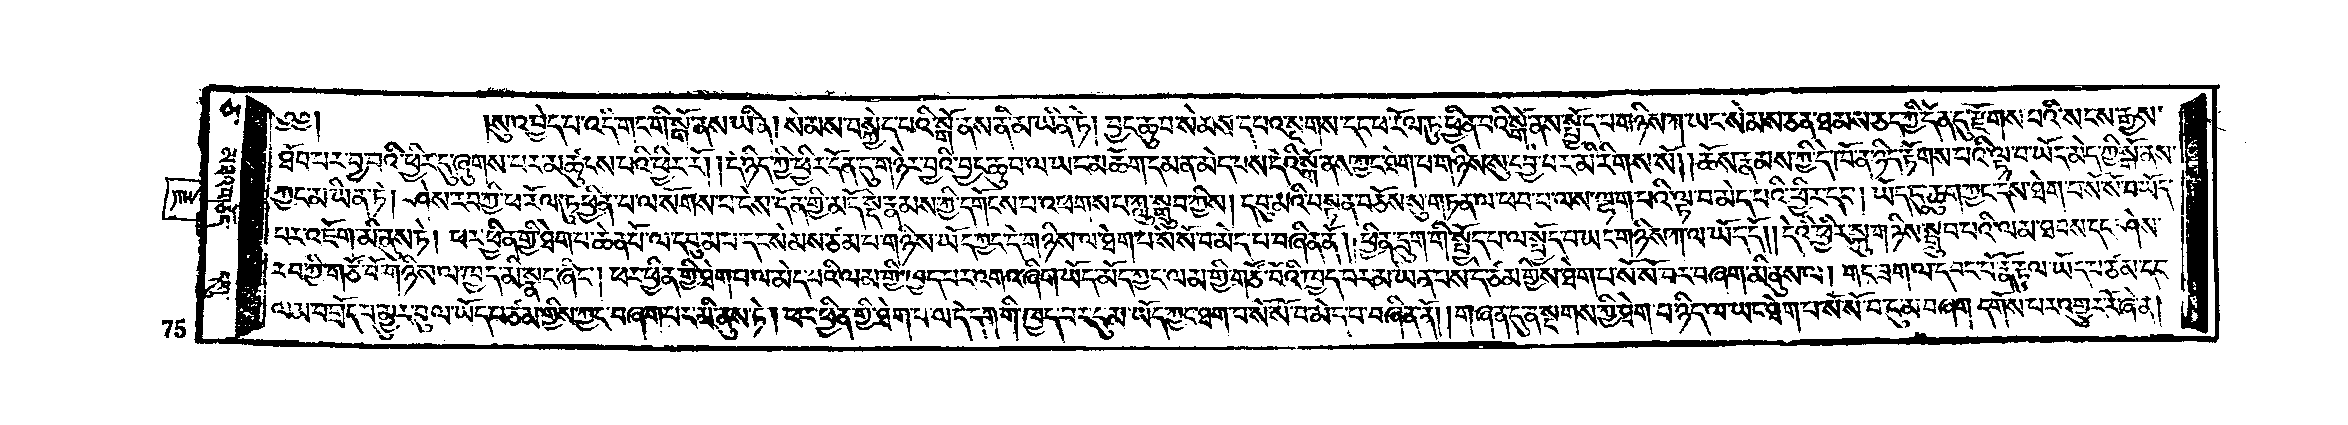༄༅། །སུ་འབྱེད་པ་འདི་གང་གི་སྒོ་ནས་ཡིན། སེམས་ཅན་བསྐྱེད་པའི་སྒོ་ནས་ནི་མ་ཡིན་ཏེ། བྱང་ཆུབ་སེམས་དཔའ་སྔགས་དང་ཕ་རོལ་ཏུ་ཕྱིན་པའི་སྒོ་ནས་སྤྱོད་པ་གཉིས་ཀ་ཡང་སེམས་ཅན་ཐམས་ཅད་ཀྱི་དོན་དུ་རྫོགས་པའི་སངས་རྒྱས་
ཐོབ་པར་བྱ་བའི་ཕྱིར་དུ་ཞུགས་པར་མཚུངས་པའི་ཕྱིར་རོ། །དེ་ཉིད་ཀྱི་ཕྱིར་དོན་དུ་གཉེར་བྱའི་བྱང་ཆུབ་ལ་ཡང་མཆོག་དམན་མེད་པས་དེའི་སྒོ་ནས་ཀྱང་ཐེག་པ་གཉིས་སུ་དབྱེ་བར་མི་རིགས་སོ། །ཆོས་རྣམས་ཀྱི་དེ་ཁོ་ན་ཉིད་རྟོགས་པའི་ལྟ་བ་ཡོད་མེད་ཀྱི་སྒོ་ནས་
ཀྱང་མ་ཡིན་ཏེ། ཤེས་རབ་ཀྱི་ཕ་རོལ་ཏུ་ཕྱིན་པ་ལ་སོགས་པ་ངེས་དོན་གྱི་མདོ་སྡེ་རྣམས་ཀྱི་དགོངས་པ་འཕགས་པ་ཀླུ་སྒྲུབ་ཀྱིས། དབུ་མའི་བསྟན་བཅོས་སུ་གཏན་ལ་ཕབ་པ་ལས་ལྷག་པའི་ལྟ་བ་མེད་པའི་ཕྱིར་དང་། ཡོད་དུ་ཆུག་ཀྱང་དེས་ཐེག་པ་སོ་སོ་བ་ཡོད་
པར་འཇོག་མི་ནུས་ཏེ། ཕར་ཕྱིན་གྱི་ཐེག་པ་ཆེན་པོ་ལ་དབུ་མ་པ་དང་སེམས་ཙམ་པ་གཉིས་ཡོད་ཀྱང་དེ་གཉིས་ལ་ཐེག་པ་སོ་སོ་བ་མེད་པ་བཞིན་ནོ། །ཕྱིན་དྲུག་གི་སྤྱོད་པ་ལ་སྤྱོད་པ་ཡང་གཉིས་ཀ་ལ་ཡོད་དོ། །དེའི་ཕྱིར་སྐུ་གཉིས་སྒྲུབ་པའི་ལམ་ཐབས་དང་ཤེས་
རབ་ཀྱི་གཙོ་བོ་གཉིས་ལ་ཁྱད་མི་སྣང་ཞིང་། ཕར་ཕྱིན་གྱི་ཐེག་པ་ལ་མེད་པའི་ལམ་གྱི་ཁྱད་པར་འགའ་ཞིག་ཡོད་མོད་ཀྱང་ལམ་གྱི་གཙོ་བོའི་ཁྱད་པར་མ་ཡིན་པས་དེ་ཙམ་གྱིས་ཐེག་པ་སོ་སོ་བར་བཞག་མི་ནུས་ལ། གང་ཟག་ལ་དབང་པོ་རྣོ་རྟུལ་ཡོད་པ་ཙམ་དང་
ལམ་བགྲོད་པ་མྱུར་བུལ་ཡོད་པ་ཙམ་གྱིས་ཀྱང་བཞག་པར་མི་ནུས་ཏེ། ཕར་ཕྱིན་གྱི་ཐེག་པ་ལ་དེ་དག་གི་ཁྱད་པར་དུ་མ་ཡོད་ཀྱང་ཐག་པ་སོ་སོ་བ་མེད་པ་བཞིན་ནོ། །གཞན་དུ་ན་སྔགས་ཀྱི་ཐེག་པ་ཉིད་ལ་ཡང་ཐེག་པ་སོ་སོ་བ་དུ་མ་བཞག་དགོས་པར་འགྱུར་རོ་ཞེ་ན།